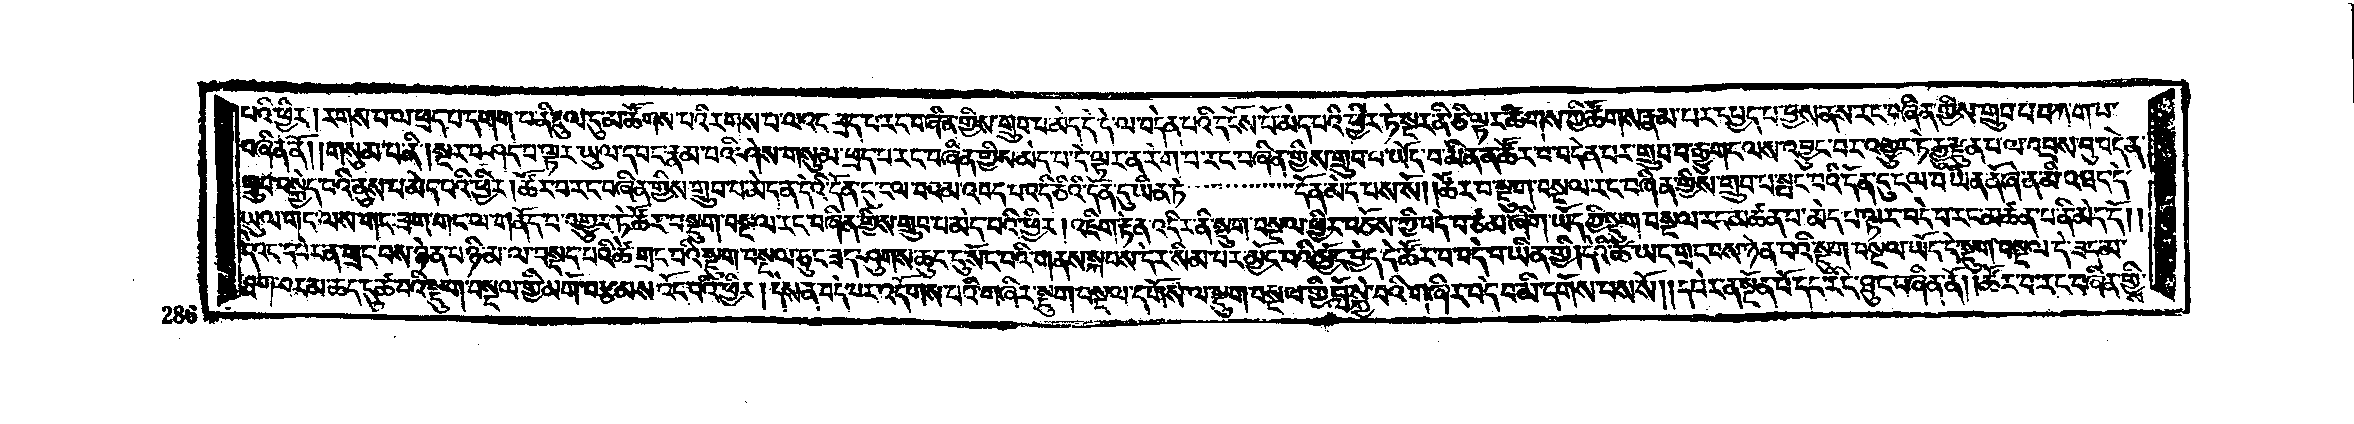པའི་ཕྱིར། རགས་པ་ལ་ཕྲད་པ་དགག་པ་ནི་རྡུལ་དུ་མ་ཚོགས་པའི་རགས་པ་ལའང་ཕྲད་པ་རང་བཞིན་གྱིས་གྲུབ་པ་མེད་དེ་དེ་ལ་བདེན་པའི་དངོས་པོ་མེད་པའི་ཕྱིར་ཏེ་སྔར་ནི་ཅི་ལྟར་ཚོགས་ཀྱི་ཚོགས་རྣམ་པར་དཔྱད་པ་བྱས་ནས་རང་བཞིན་གྱིས་གྲུབ་པ་བཀག་པ་
བཞིན་ནོ། །གསུམ་པ་ནི། སྔར་བཤད་པ་ལྟར་ཡུལ་དབང་རྣམ་པའི་ཤེས་གསུམ་ཕྲད་པ་རང་བཞིན་གྱིས་མེད་པ་དེ་ལྟར་ན་རེག་པ་རང་བཞིན་གྱིས་གྲུབ་པ་ཡོད་པ་མིན་ན་ཚོར་བ་བདེན་པར་གྲུབ་པ་རྒྱུ་གང་ལས་འབྱུང་བར་འགྱུར་ཏེ་རྒྱུ་རྫུན་པ་ལ་འབྲས་བུ་བདེན་
གྲུབ་བསྐྱེད་པའི་ནུས་པ་མེད་པའི་ཕྱིར། ཚོར་བ་རང་བཞིན་གྱིས་གྲུབ་པ་མེད་ན་དེའི་དོན་དུ་ངལ་བའམ་འབད་པ་འདི་ཅིའི་དོན་དུ་ཡིན་ཏེ་དོན་མེད་པས་སོ། །ཚོར་བ་སྡུག་བསྔལ་རང་བཞིན་གྱིས་གྲུབ་པ་སྤང་བའི་དོན་དུ་ངལ་བ་ཡིན་ནོ་ཞེ་ན་མི་འཐད་དེ་
ཡུལ་གང་ལས་གང་ཟག་གང་ལ་གནོད་པ་འགྱུར་ཏེ་ཚོར་བ་སྡུག་བསྔལ་རང་བཞིན་གྱིས་གྲུབ་པ་མེད་པའི་ཕྱིར། འཇིག་རྟེན་འདིར་ནི་སྡུག་བསྔལ་ཕྱིར་བཅོས་ཀྱི་བདེ་བ་ཙམ་ཞིག་ཡོད་ཀྱི་སྡུག་བསྔལ་རང་མཚན་པ་མེད་པ་ལྟར་བདེ་བ་རང་མཚན་པ་ནི་མེད་དོ། །
དེའང་དཔེར་ན་གྲང་བས་ཉེན་པ་ཉི་མ་ལ་བསྡད་པའི་ཚེ་གྲང་བའི་སྡུག་བསྔལ་ཅུང་ཟད་ཤུགས་ཆུང་ངུ་སོང་བའི་གནས་སྐབས་དེར་སིམ་པར་མྱོང་བའི་མྱོང་བྱེད་དེ་ཚོར་བ་བདེ་བ་ཡིན་གྱི་།དེའི་ཚེ་ཡང་གྲང་བས་ཉེན་པའི་སྡུག་བསྔལ་ཡོད་དེ་སྡུག་བསྔལ་དེ་ཟད་མ་
ཐག་པར་མ་ཆད་དུ་ཚ་བའི་སྡུག་བསྔལ་གྱི་མགོ་བརྩམས་འོང་བའི་ཕྱིར། དེས་ན་བདེ་བར་འདོགས་པའི་གཞིར་སྡུག་བསྔལ་དགོས་ལ་སྡུག་བསྔལ་གྱི་བློ་སྐྱེ་བའི་གཞིར་བདེ་བ་མི་དགོས་པས་སོ། །དཔེར་ན་སྔོན་པོ་དང་རིང་ཐུང་བཞིན་ནོ། །ཚོར་བ་རང་བཞིན་གྱིས་